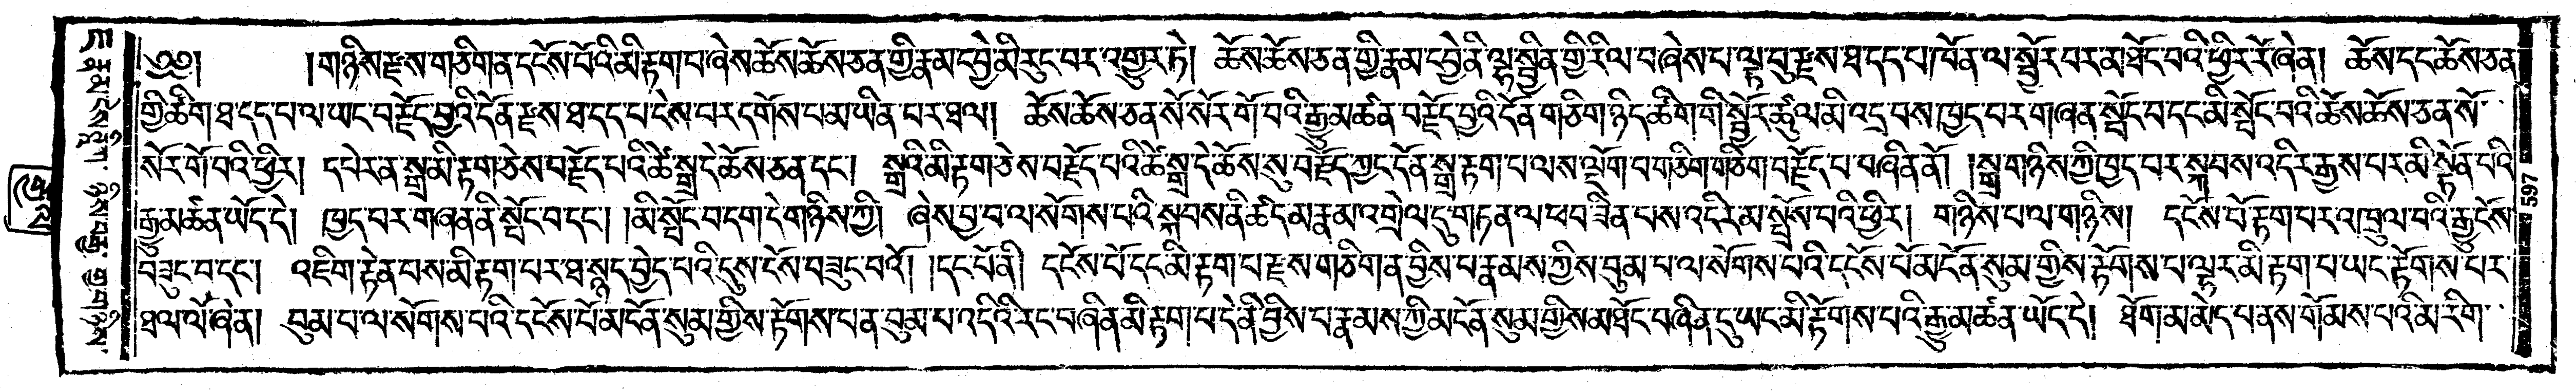༄༅། །གཉིས་རྫས་གཅིག་ན་དངོས་པོའི་མི་རྟག་པ་ཞེས་ཆོས་ཆོས་ཅན་གྱི་རྣམ་དབྱེ་མི་རུང་བར་འགྱུར་ཏེ། ཆོས་ཆོས་ཅན་གྱི་རྣམ་དབྱེ་ནི་ལྷ་སྦྱིན་གྱི་རིལ་བ་ཞེས་པ་ལྟ་བུ་རྫས་ཐ་དད་པ་ཁོ་ན་ལ་སྦྱོར་བར་མཐོང་བའི་ཕྱིར་རོ་ཞེ་ན། ཆོས་དང་ཆོས་ཅན་
གྱི་ཚིག་ཐ་དད་པ་ལ་ཡང་བརྗོད་བྱའི་དོན་རྫས་ཐ་དད་པ་ངེས་པར་དགོས་པ་མ་ཡིན་པར་ཐལ། ཆོས་ཆོས་ཅན་སོ་སོར་གོ་བའི་རྒྱུ་མཚན་བརྗོད་བྱའི་དོན་གཅིག་ཉིད་ཚིག་གི་སྦྱོར་ཚུལ་མི་འདྲ་བས་ཁྱད་པར་གཞན་སྤོང་བ་དང་མི་སྤོང་བའི་ཆོས་ཆོས་ཅན་སོ་
སོར་གོ་བའི་ཕྱིར། དཔེར་ན་སྒྲ་མི་རྟག་ཅེས་བརྗོད་པའི་ཚེ་སྒྲ་དེ་ཆོས་ཅན་དང་། སྒྲའི་མི་རྟག་ཅེས་བརྗོད་པའི་ཚེ་སྒྲ་དེ་ཆོས་སུ་བརྗོད་ཀྱང་དོན་སྒྲ་རྟག་པ་ལས་ལྡོག་པ་གཅིག་གཅིག་བརྗོད་པ་བཞིན་ནོ། །སྒྲ་གཉིས་ཀྱི་ཁྱད་པར་སྐབས་འདིར་རྒྱས་པར་མི་སྟོན་པའི་
རྒྱུ་མཚན་ཡོད་དེ། ཁྱད་པར་གཞན་ནི་སྤོང་བ་དང་། །མི་སྤོང་བ་དག་དེ་གཉིས་ཀྱི། ཞེས་བྱ་བ་ལ་སོགས་པའི་སྐབས་ནི་ཚད་མ་རྣམ་འགྲེལ་དུ་གཏན་ལ་ཕབ་ཟིན་པས་འདིར་མ་སྤྲོས་པའི་ཕྱིར། གཉིས་པ་ལ་གཉིས། དངོས་པོ་རྟག་པར་འཁྲུལ་བའི་རྒྱུ་ངོས་
བཟུང་བ་དང་། འཇིག་རྟེན་པས་མི་རྟག་པར་ཐ་སྙད་བྱེད་པའི་དུས་ངོས་བཟུང་བའོ། །དང་པོ་ནི། དངོས་པོ་དང་མི་རྟག་པ་རྫས་གཅིག་ན་བྱིས་པ་རྣམས་ཀྱིས་བུམ་པ་ལ་སོགས་པའི་དངོས་པོ་མངོན་སུམ་གྱིས་རྟོགས་པ་ལྟར་མི་རྟག་པ་ཡང་རྟོགས་པར་
ཐལ་ལོ་ཞེ་ན། བུམ་པ་ལ་སོགས་པའི་དངོས་པོ་མངོན་སུམ་གྱིས་རྟོགས་པ་ན་བུམ་པ་འདིའི་རང་བཞིན་མི་རྟག་པ་དེ་ནི་བྱིས་པ་རྣམས་ཀྱི་མངོན་སུམ་གྱིས་མཐོང་བཞིན་དུ་ཡང་མི་རྟོགས་པའི་རྒྱུ་མཚན་ཡོད་དེ། ཐོག་མ་མེད་པ་ནས་གོམས་པའི་མ་རིག་